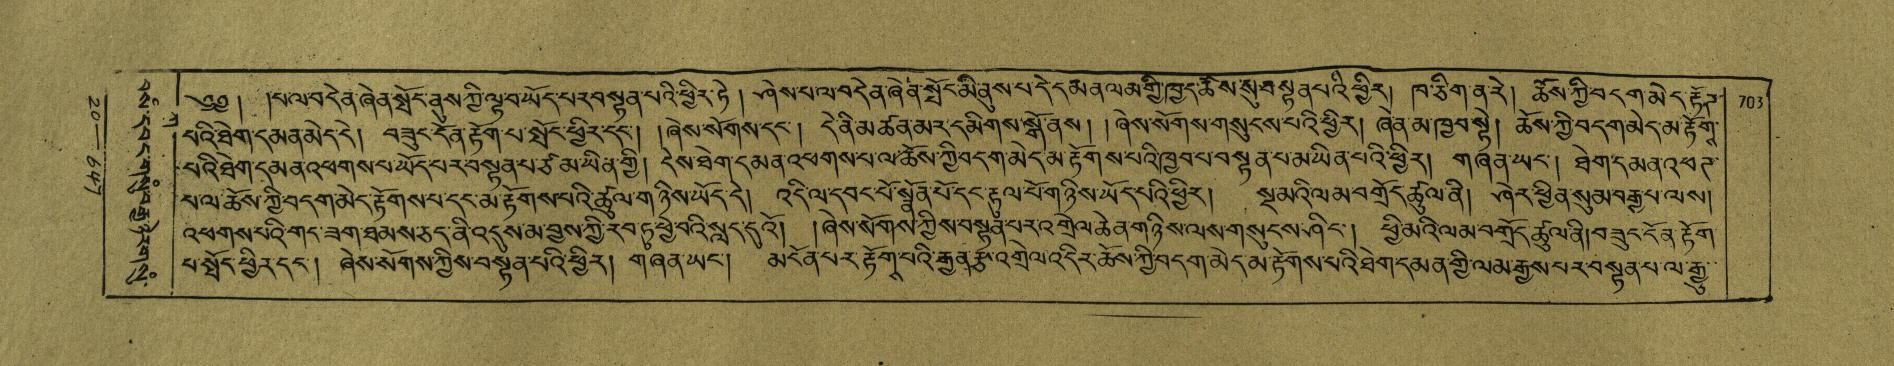༄༅། །པ་ལ་བདེན་ཞེན་སྤོང་ནུས་ཀྱི་ལྟ་བ་ཡོད་པར་བསྟན་པའི་ཕྱིར་ཏེ། ཤེས་པ་ལ་བདེན་ཞེན་སྤོང་མི་ནུས་པ་དེ་དམན་ལམ་གྱི་ཁྱད་ཆོས་སུ་བསྟན་པའི་ཕྱིར། ཁ་ཅིག་ན་རེ། ཆོས་ཀྱི་བདག་མེད་རྟོཌ་
པའི་ཐེག་དམན་མེད་དེ། བཟུང་དོན་རྟོག་པ་སྤོང་ཕྱིར་དང་། །ཞེས་སོགས་དང་། དེ་ནི་མཚན་མར་དམིགས་སྒོ་ནས། །ཞེས་སོགས་གསུངས་པའི་ཕྱིར། ཞེ་ན་མ་ཁྱབ་སྟེ། ཆོས་ཀྱི་བདག་མེད་མ་རྟོགས་
པའི་ཐེག་དམན་འཕགས་པ་ཡོད་པར་བསྟན་པ་ཙམ་ཡིན་གྱི། དེས་ཐེག་དམན་འཕགས་པ་ལ་ཆོས་ཀྱི་བདག་མེད་མ་རྟོགས་པའི་ཁྱབ་པ་བསྟན་པ་མ་ཡིན་པའི་ཕྱིར། གཞན་ཡང་། ཐེག་དམན་འཕཊ་
པ་ལ་ཆོས་ཀྱི་བདག་མེད་རྟོགས་པ་དང་མ་རྟོགས་པའི་ཚུལ་གཉིས་ཡོད་དེ། འདི་ལ་དབང་པོ་སྣོན་པོ་དང་རྟུལ་པོ་གཉིས་ཡོད་པའི་ཕྱིར། སྔ་མའི་ལམ་བགྲོད་ཚུལ་ནི། ཤེར་ཕྱིན་སུམ་བརྒྱ་པ་ལས།
འཕགས་པའི་གང་ཟག་ཐམས་ཅད་ནི་འདུས་མ་བྱས་ཀྱི་རབ་ཏུ་ཕྱེ་བའི་སླད་དུའོ། །ཞེས་སོགས་ཀྱིས་བསྟན་པར་འགྲེལ་ཆེན་གཉིས་ལས་གསུངས་ཤིང་། ཕྱི་མའི་ལམ་བགྲོད་ཚུལ་ནི། བཟུང་དོན་རྟོག་
པ་སྤོང་ཕྱིར་དང་། ཞེས་སོགས་ཀྱིས་བསྟན་པའི་ཕྱིར། གཞན་ཡང་། མངོན་པར་རྟོགས་པའི་རྒྱན་རྩ་འགྲེལ་འདིར་ཆོས་ཀྱི་བདག་མེད་མ་རྟོགས་པའི་ཐེག་དམན་གྱི་ལམ་རྒྱས་པར་བསྟན་པ་ལ་རྒྱུ་